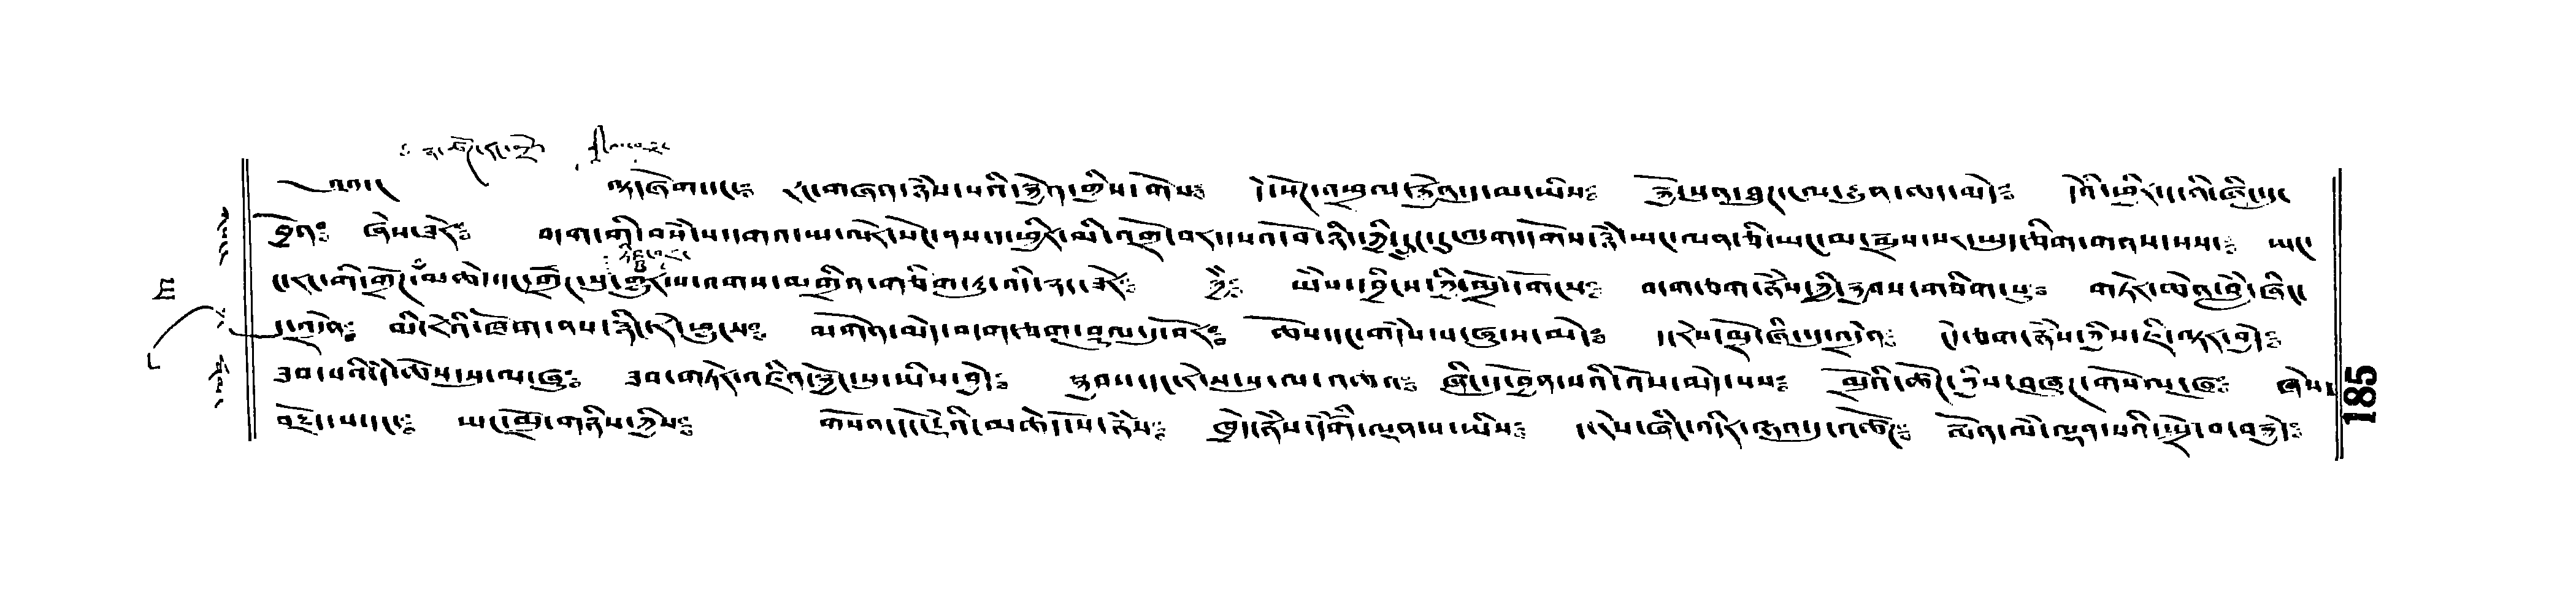ལྟ་ཞོག་དང༔ རང་གཞན་ཉམས་པའི་སྐྱོན་གྱིས་གོས༔ དེ་སོགས་འཕྲལ་རྐྱེན་དུ་མ་ཡིས༔ སྐྱོ་སུན་ཐུགས་ངལ་རྒྱུན་ཆད་མེད༔ དེའི་ཕྱིར་ད་ནི་ཞིང་དུ་
བྱོན༔ ཞེས་ཟེར༔ བདག་གི་བསམ་པ་དགའ་ཡ་ལེར་སོང་ནས་ད་ཕྱིར་མི་འགྲོ་བར་དཔའ་བོ་ཉིད་ཀྱི་དྲུང་དུ་འདུག་དགོས་སྙམ་ཡང་ལན་ཅི་ཡང་མ་སྨྲས་པར་ཡུད་ཅིག་གནས་པས༔ཡང་
ང་རང་གི་གྲོགས་མཆེད་དང་གྲོགས་སུ་གྱུར་པ་འགས་མགྲིན་གཅིག་ཏུ་འདི་སྐད་ཟེར༔ ཀྱཻ༔ ཡེ་ཤེས་དབྱིངས་ཀྱི་མཁའ་འགྲོ་དགོངས༔ བདག་ཅག་རྣམས་ཀྱི་སྐྱབས་གཅིག་པུ༔ གཏེར་ཆེན་བླ་མ་ཞིང་
དུ་འདྲེན༔ མི་རེའི་ཁོག་ནས་སྙིང་རེ་ཕྱུངས༔ མགོན་མེད་བདག་ཅག་ཤུལ་དུ་བོར༔ ཆོས་དང་གདམས་པ་ཞུ་ས་མེད༔ ད་རེས་མཁའ་འགྲོ་ཞིང་དུ་འདྲེན༔ ངེད་ཅག་རྣམས་ཀྱིས་ཇི་ལྟར་བྱེད༔ 
ཟབ་པའི་དམ་ཆོས་སུ་ལ་ཞུ༔ ཟབ་གཏེར་འཛིན་སྐྱོང་སུ་ཡིས་བྱེད༔ སྐྱབས་དང་རེ་ས་སུ་ལ་འཆའ༔ ཞིང་དུ་བྱོན་པའི་འོས་མེད་པས༔ མཁའ་འགྲོའི་ཚོགས་ཀྱིས་བཞུགས་གསོལ་ཞུ༔ ཞེས་
བརྗོད་པ་དང༔ ཡང་མཁའ་འགྲོ་གཉིས་ཀྱིས༔ གསོན་དང་རྡོ་རྗེའི་མཆེད་པོ་རྣམས༔ ཁྱེད་རྣམས་དམ་ཚིག་ལྡན་པ་ཡིས༔ ད་རེས་ཞིང་འདིར་ལྷན་དུ་འཚོགས༔ སྨོན་ལམ་ལྡན་པས་སྤྲོ་བ་བསྐྱེད༔